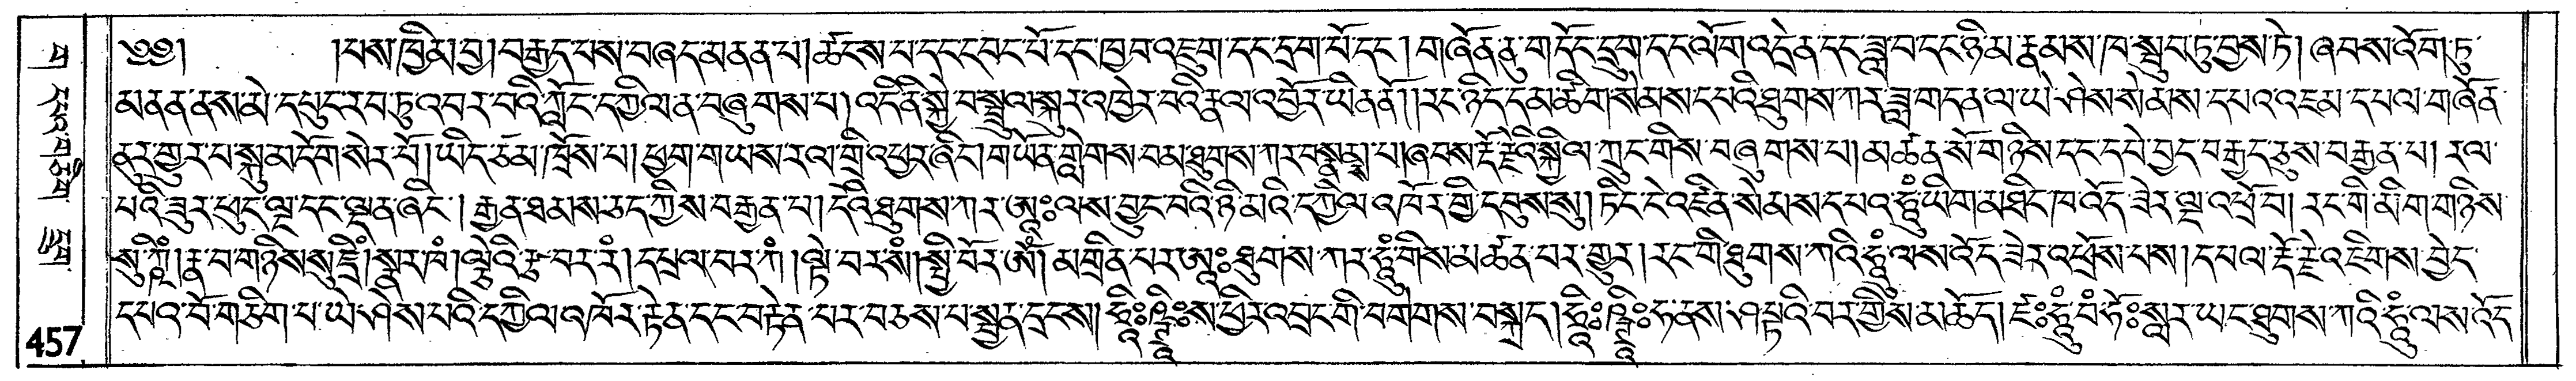༄༅། །པས་ཁྱིམ་བྱ། བརྒྱད་པས་བཞད་མནན་པ། ཚངས་པ་དང་དབང་པོ་དང་ཁྱབ་འཇུག་དང་དྲག་པོ་དང་། གཞོན་ནུ་གདོང་དྲུག་དང་ལོག་འདྲེན་དང་ཟླ་བ་དང་ཉི་མ་རྣམས་ཁ་སྦུབ་ཏུ་བྱས་ཏེ། ཞབས་འོག་ཏུ་
མནན་ནས་མེ་དཔུང་རབ་ཏུ་འབར་བའི་ཀློང་དཀྱིལ་ན་བཞུགས་པ། འདི་ནི་སྐྱེ་བ་སྦྲུལ་སྐུར་འཁྱེར་བའི་རྣལ་འབྱོར་ཡིན་ནོ། །རང་ཉིད་དམ་ཚིག་སེམས་དཔའི་ཐུགས་ཀར་ཟླ་གདན་ལ་ཡེ་ཤེས་སེམས་དཔའ་འཇམ་དཔལ་གཞོན་
ནུར་གྱུར་པ་སྐུ་མདོག་སེར་པོ། ཡིད་ཙམ་ཁྲོས་པ། ཕྱག་གཡས་རལ་གྲི་འཕྱར་ཞིང་། གཡོན་གླེགས་བམ་ཐུགས་ཀར་བསྣམས་པ། ཞབས་རྡོ་རྗེའི་སྐྱིལ་ཀྲུང་གིས་བཞུགས་པ། མཚན་སོ་གཉིས་དང་དཔེ་བྱད་བརྒྱད་ཅུས་བརྒྱན་པ། རལ་
པའི་ཟུར་ཕུང་ལྔ་དང་ལྡན་ཞིང་། རྒྱན་ཐམས་ཅད་ཀྱིས་བརྒྱན་པ། དེའི་ཐུགས་ཀར་ཨཱཿ ལས་བྱུང་བའི་ཉི་མའི་དཀྱིལ་འཁོར་གྱི་དབུས་སུ། ཏིང་ངེ་འཛིན་སེམས་དཔའ་ཧཱུཾ་ཡིག་མཐིང་ཁ་འོད་ཟེར་ལྔ་འཕྲོ་བ། རང་གི་མིག་གཉིས་
སུ་ཀྵིཾ། རྣ་བ་གཉིས་སུ་ཛྲིཾ། སྣར་ཁཾ། ལྕེའི་རྩ་བར་རཾ། དཔྲལ་བར་ཀཾ། ལྟེ་བར་སཾ། སྤྱི་བོར་ཨོཾ། མགྲིན་པར་ཨཱཿ ཐུགས་ཀར་ཧཱུཾ་གིས་མཚན་པར་གྱུར། རང་གི་ཐུགས་ཀའི་ཧཱུཾ་ལས་འོད་ཟེར་འཕྲོས་པས། དཔལ་རྡོ་རྗེ་འཇིགས་བྱེད་
དཔའ་བོ་གཅིག་པ་ཡེ་ཤེས་པའི་དཀྱིལ་འཁོར་རྟེན་དང་བརྟེན་པར་བཅས་པ་སྤྱན་དྲངས། ཧྲཱིཿ ཥྚྲཱིཿ ས་ཕྱིར་འབྲང་གི་བགེགས་བསྐྲད། ཧྲཱིཿ ཥྚྲཱིཿ ཧ་ནས་ཤཔྟའི་བར་གྱིས་མཆོད། ཛཿ ཧཱུཾ་བཾ་ཧོཿ སླར་ཡང་ཐུགས་ཀའི་ཧཱུཾ་ལས་འོད་